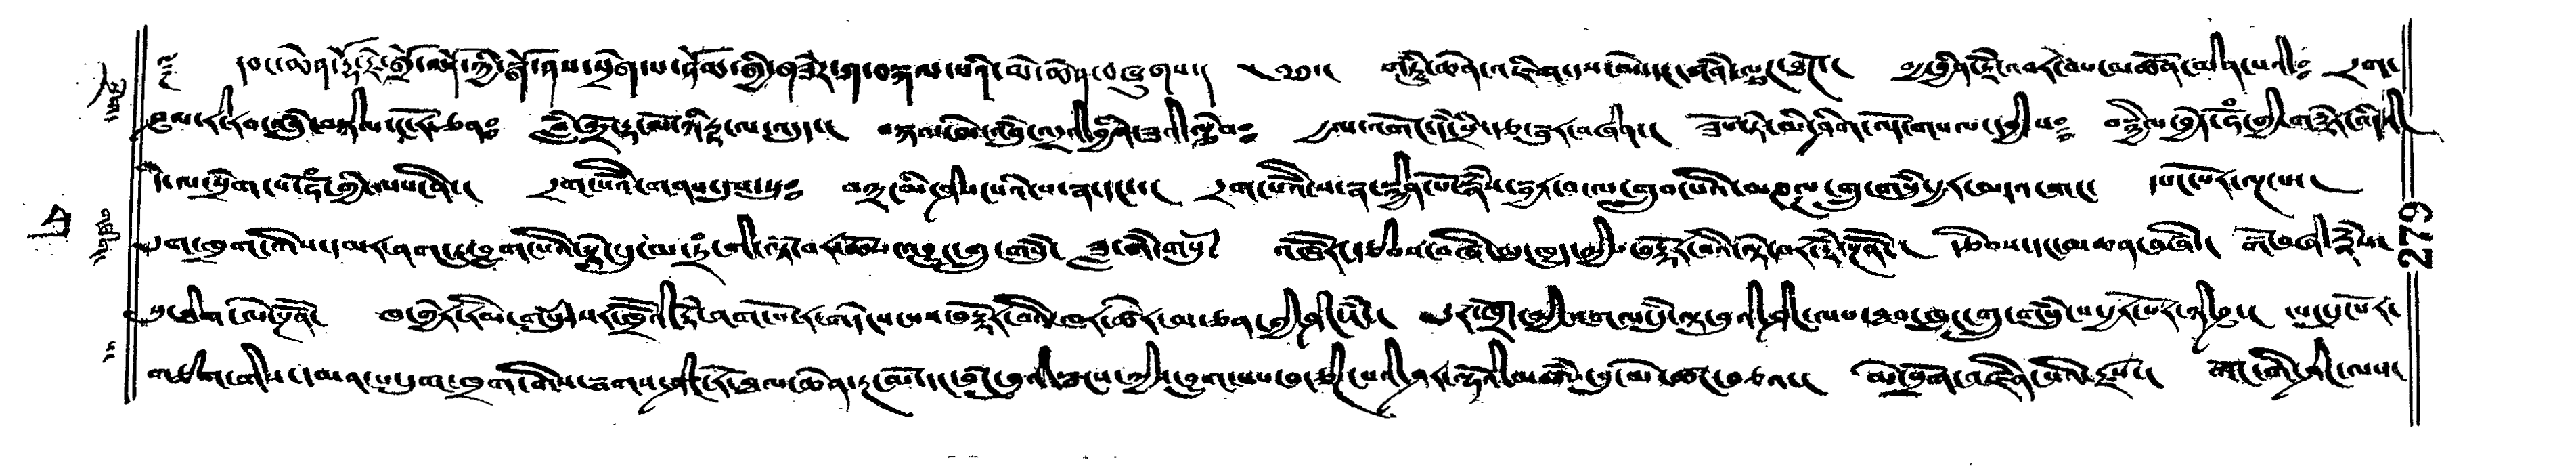དབང་ཆེན་རྡོ་རྗེ་གྲོ་བོ་ལོད་ཀྱི་སྒོ་ནས་སྲེག་པ་ཧོམ་གྱི་གཟེར་ཁ་བསྐལ་པའི་མེ་ཆེན་བཞུགས།། ༄༅། གཏུམ་ཆེན་འཇིགས་དཔའ་མེ་དང་གནམ་ལྕགས་ཐོག །བརྒྱ་བྱིན་རྡོ་རྗེ་འབར་བས་མཚོན་མིན་པའི། དྲག་
ཤུལ་རི་རབ་འབུམ་བསྙིལ་ང་རོ་ཅན། །བླ་མ་ཀྲོ་དྷ་ལོ་ཀིརྟ་ལ་འདུད། །བསྐལ་མེ་འབུམ་འདྲའི་བྱི་ཟའི་ལྕེས། །རྒྱལ་འགོང་དམ་སྲི་རྩ་སྦུར་བཞིན། །ཟོས་ཏེ་མི་ཤིགས་འོད་གསལ་དབྱིངས། །བསྐྱེལ་བྱེད་ཧོམ་གྱི་གཟེར་ཁ་འདིའི། །
དེ་ལ་སྲེག་པ་ཧོམ་གྱི་ལས་ནི། །དྲག་པོའི་གནས་དུས་སུ། །བཀྲ་མི་ཤིས་པའི་ས་སྣ་དང་། །དྲག་པོའི་ས་སྣ། སྤྱིན་པོ་རྣམས་སྦྱར་བ་ལ་གྲུབ་པའི་མཎྜལ་གྲུ་གསུམ་རྒྱར་མདའ་གང་། དཔངས་སོར་ལྔ་པ། 
དུག་ཁྲག་གིས་དམར་ནག་ཏུ་བྱུགས་པའི་སྟེང་དུ་མ་ཏྲཾ་གྱི་ལྟོ་བར་ཆོས་འབྱུང་གྲུ་གསུམ། ཟླ་གམ་གསུམ། འཁོར་ལོ་རྩིབས་བཞི་མུ་འཁྱུད་ཀྱིས་བསྐོར་བའི་ལྟེ་བར་རྡོ་རྗེ་སྔོན་པོ། རྩིབས་དང་མཆན་བཞི། སྒོ་བཞི་རྣམས་
སུ་ཐིག་ལེ་སྔོན་པོ། ཁ་གྱེར་རིམ་གསུམ་པར་ཁྲོ་བོའི་རྡོ་རྗེ་ནག་པོ་ར་གདེངས་པས་བསྐོར་བའི་ཁར་ཚེར་མ་ཅན་གྱི་ཤིང་ངམ། དུར་ཁྲོད་ཀྱི་འགལ་དུམ་ལྟ་བུའི་ཤིང་ལས་ཐབ་ཁུང་གྲུ་གསུམ་པ་རྒྱར་སོར་ཉི་ཤུ། དཔང་དུ་སོར་
གཅིག་གིས་དམན་པ་དུག་ཁྲག་གིས་སྦགས་ཤིང་རོ་ཐལ་རྔ་མོ་དང་བོང་བུའི་སྦངས་ཀྱིས་བྱུག་པས་བརྩིགས་པའི་ཤར་ལྷོའི་མཚམས་སུ་མེ་ཚང་བཅའ། མེ་སྲོག་འཛིན་པའི་རྫས། གོང་གི་ཤིང་ལས་